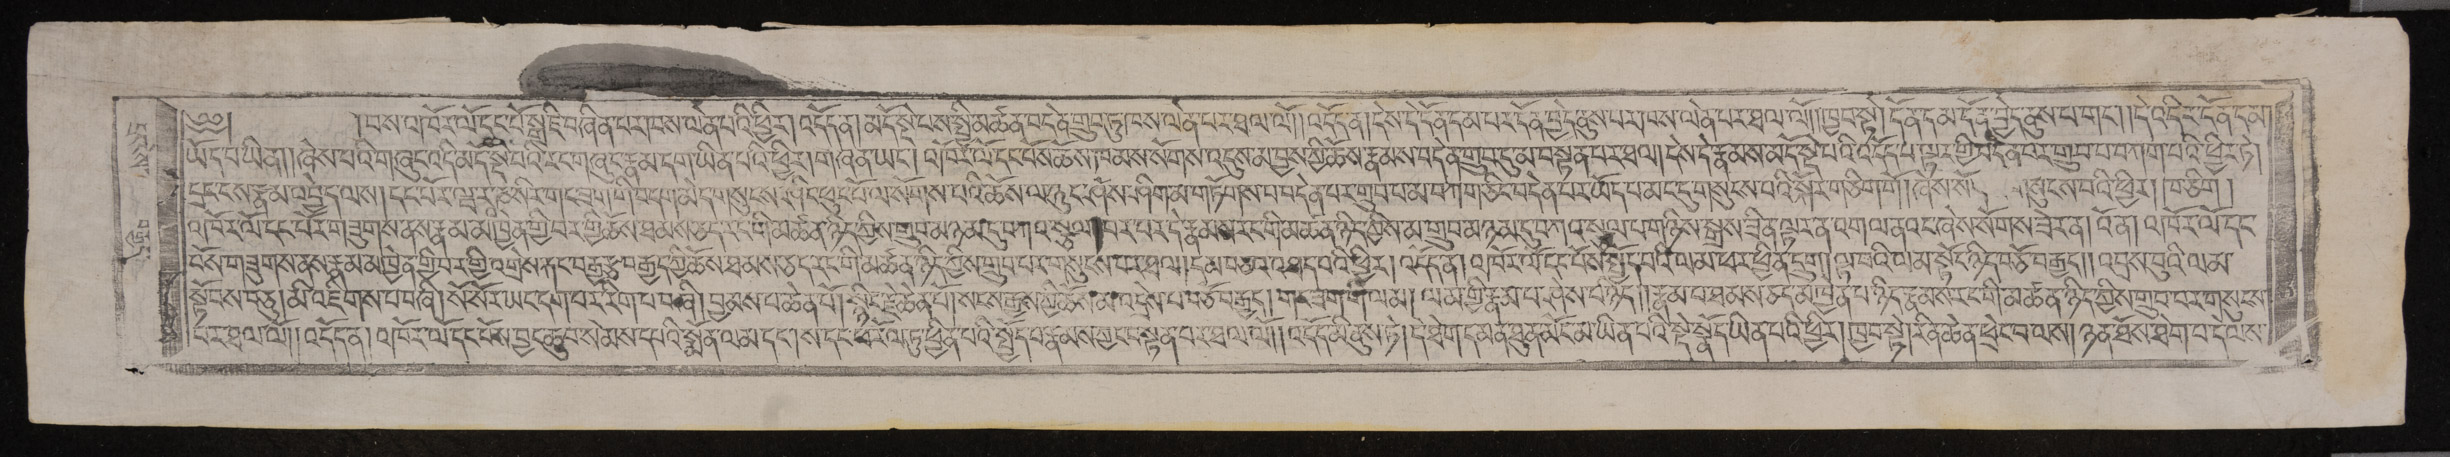༄༅། །བས་འཁོར་ལོ་དང་པོ་སྒྲ་ཇི་བཞིན་པར་ཁས་ལེན་པའི་ཕྱིར། འདོད་ན། མདོ་སྡེ་པས་སྤྱི་མཚན་བདེན་གྲུབ་ཏུ་ཁས་ལེན་པར་ཐལ་ལོ། །འདོད་ན། དེས་དེ་དོན་དམ་པར་དོན་བྱེད་ནུས་པར་ཁས་ལེན་པར་ཐལ་ལོ། །ཁྱབ་སྟེ། དོན་དམ་དོན་བྱེད་ནུས་པ་གང་། །དེ་འདིར་དོན་དམ་
ཡོད་པ་ཡིན། །ཞེས་པའི་གཞུང་འདི་མདོ་སྡེ་པའི་རང་གཞུང་རྣམ་དག་ཡིན་བའི་ཕྱིར། གཞན་ཡང་། འཁོར་ལོ་དང་པོས་ཆོས་ཁམས་སོགས་འདུས་མ་བྱས་ཀྱི་ཆོས་རྣམས་བདེན་གྲུབ་དུ་མ་བསྟན་པར་ཐལ། དེས་དེ་རྣམས་མདོ་སྡེ་པའི་འདོད་པ་ལྟར་གྱི་བདེན་པར་གྲུབ་པ་བཀག་བའི་ཕྱིར་ཏེ།
དྲང་ངེས་རྣམ་འབྱད་ལས། དང་པོར་ཝ་ར་ཎཱ་སིར་གང་ཟག་གི་བདག་མེད་གསུངས་ཤིང་ཕུང་པོ་ལ་སོགས་པའི་ཆོས་ལ་ཉུང་ཤས་ཤིག་མ་གཏོགས་པ་བདེན་པར་གྲུབ་པ་མ་བཀག་ཅིང་བདེན་པར་ཡོད་པ་མང་དུ་གསུངས་པའི་སྐོར་གཅིག་གོ། ཞེས་སོགས་གསུངས་པའི་ཕྱིར། ཁ་ཅིག །
འཁོར་ལོ་དང་པོར་གཟུགས་ནས་རྣམ་མཁྱེན་གྱི་བར་གྱི་ཆོས་ཐམས་ཅད་རང་གི་མཚན་ཉིད་ཀྱིས་གྲུབ་མཉམ་དུ་བཀའ་སྩལ། བར་པར་དེ་རྣམས་རང་གི་མཚན་ཉིད་ཀྱིས་མ་གྲུབ་མཉམ་དུ་བཀའ་སྩལ་པ་གཉིས་སྒྲས་ཟིན་ལྟར་ན་འགལ་ནའང་ཞེས་སོགས་ཟེར་ན། འོ་ན། འཁོར་ལོ་དང་
པོས་གཟུགས་ནས་རྣམ་མཁྱེན་གྱི་བར་གྱི་འགྲེས་རྐང་བརྒྱ་རྩ་བརྒྱད་ཀྱི་ཆོས་ཐམས་ཅད་རང་གི་མཚན་ཉིད་ཀྱིས་གྲུབ་པར་གསུངས་པར་ཐལ། དམ་བཅའ་འཐད་པའི་ཕྱིར། འདོད་ན། འཁོར་ལོ་དང་པོས་སྤྱོད་པའི་ལམ་ཕར་ཕྱིན་དྲུག། ལྟ་བའི་ལམ་སྟོང་ཉིད་བཅོ་བརྒྱད། །འབྲས་བུའི་ལམ་
སྟོབས་བཅུ། མི་འཇིགས་པ་བཞི། སོ་སོར་ཡང་དག་པར་རིག་པ་བཞི། བྱམས་པ་ཆེན་པོ། སྙིང་རྗེ་ཆེན་པོ། སངས་རྒྱས་ཀྱི་ཆོས་མ་འདྲེས་པ་བཅོ་བརྒྱད། གང་ཟག་གི་ལམ། ལམ་གྱི་རྣམ་པ་ཤེས་པ་ཉིད། །རྣམ་པ་ཐམས་ཅད་མཁྱེན་པ་ཉིད་རྣམས་རང་གི་མཚན་ཉིད་ཀྱིས་གྲུབ་པར་གསུངས་
པར་ཐལ་ལོ། །འདོད་ན། འཁོར་ལོ་དང་པོས་བྱང་ཆུབ་སེམས་དཔའི་སྨོན་ལམ་དང་། ས་དང་ཕ་རོལ་ཏུ་ཕྱིན་པའི་སྤྱོད་པ་རྣམས་ཀྱང་བསྟན་པར་ཐལ་ལོ། །འདོད་མི་ནུས་ཏེ། དེ་ཐེག་དམན་ཐུན་མོང་མ་ཡིན་པའི་སྡེ་སྣོད་ཡིན་པའི་ཕྱིར། ཁྱབ་སྟེ། རིན་ཆེན་ཕྲེང་བ་ལས། ཉན་ཐོས་ཐེག་པ་དེ་ལས་